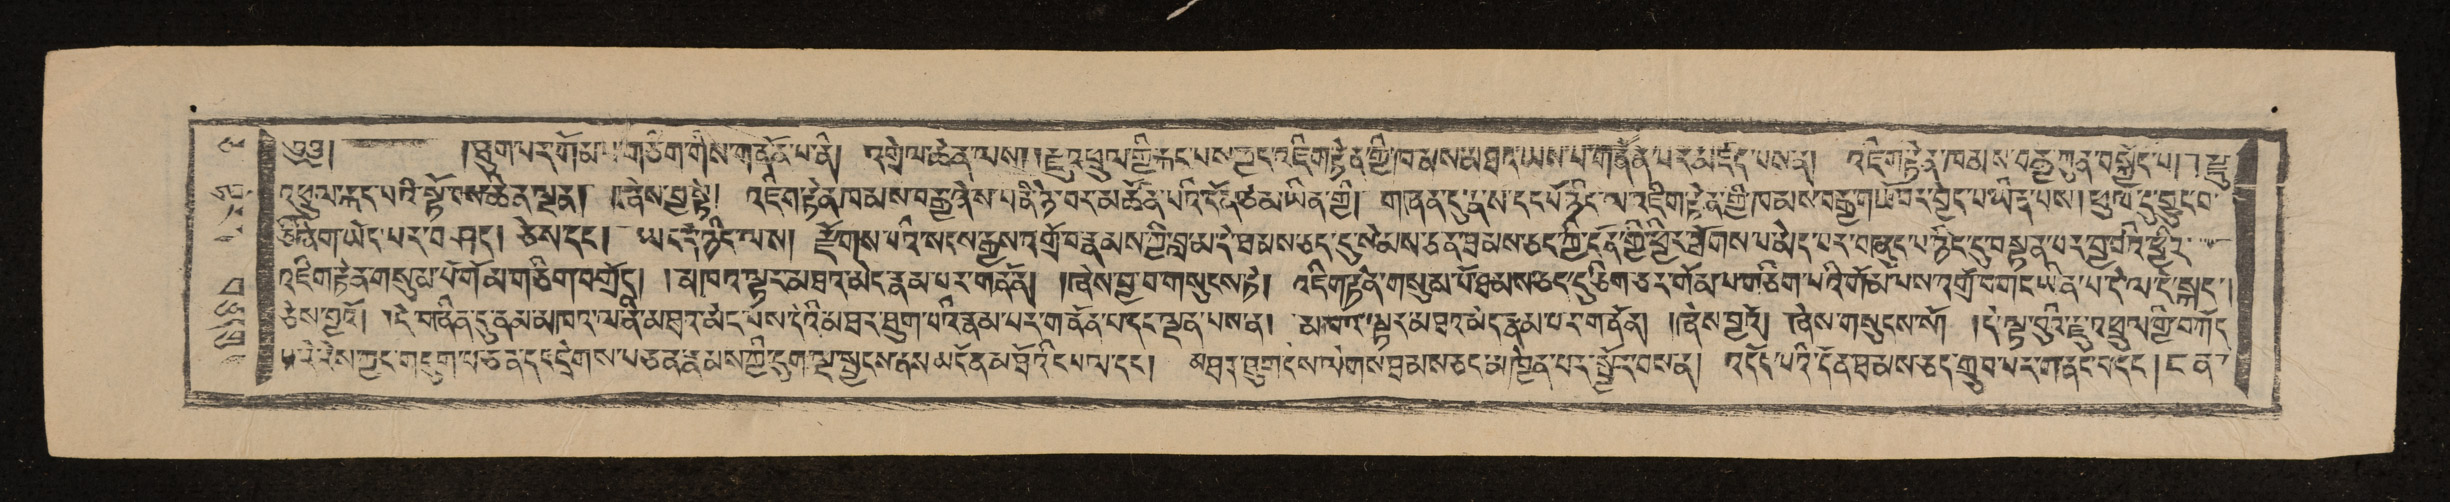༄༅། །ཐུག་པར་གོམ་པ་གཅིག་གིས་གནོན་པ་ནི། འགྲེལ་ཆེན་ལས། རྫུ་འཕྲུལ་གྱི་རྐང་པས་ཀྱང་འཇིག་རྟེན་གྱི་ཁམས་མཐའ་ཡས་པ་གནོན་པར་མཛད་པས་ན། འཇིག་རྟེན་ཁམས་བརྒྱ་ཀུན་བསྐྱོད་པ། །རྫུ་
འཕྲུལ་རྐང་པའི་སྟོབས་ཆེན་ལྡན། །ཞེས་བྱ་སྟེ། འཇིག་རྟེན་ཁམས་བརྒྱ་ཞེས་པ་ནི་ཉེ་བར་མཚོན་པའི་དོན་ཙམ་ཡིན་གྱི། གཞན་དུ་ན་ས་དང་པོ་ཉིད་ལ་འཇིག་རྟེན་གྱི་ཁམས་བརྒྱ་གཡོ་བར་བྱེད་པོ་ཡིན་པས། ཕུལ་དུ་བྱུང་བ་
ཅི་ཞིག་ཡོད་པར་བཤད། ཅེས་དང་། ཡང་དེ་ཉིད་ལས། རྫོགས་པའི་སངས་རྒྱས་འགྲོ་བ་རྣམས་ཀྱི་བླ་མ་དེ་ཐམས་ཅད་དུ་སེམས་ཅན་ཐམས་ཅད་ཀྱི་དོན་གྱི་ཕྱིར་ཐོགས་པ་མེད་པར་བཞུད་པ་ཉིད་དུ་བསྟན་པར་བྱ་བའི་ཕྱིར།
འཇིག་རྟེན་གསུམ་པོ་གོམ་གཅིག་བགྲོད། །མཁའ་ལྟར་མཐའ་མེད་རྣམ་པར་གནོན། །ཞེས་བྱ་བ་གསུངས་ཏེ། འཇིག་རྟེན་གསུམ་པོ་ཐམས་ཅད་དུ་ཅིག་ཅར་གོམ་པ་གཅིག་པའི་གོམ་པས་འགྲོ་བ་གང་ཡིན་པ་དེ་ལ་དེ་སྐད་
ཅེས་བྱའོ། །དེ་བཞིན་དུ་ནམ་མཁའ་ལ་ནི་མཐའ་མེད་པས་དེའི་མཐར་ཐུག་པའི་རྣམ་པར་གནོན་པ་དང་ལྡན་པས་ན། མཁའ་ལྟར་མཐའ་མེད་རྣམ་པར་གནོན། །ཞེས་བྱའོ། ཞེས་གསུངས་སོ། །དེ་ལྟ་བུའི་རྫུ་འཕྲུལ་གྱི་བཀོད་
པ་རེ་རེས་ཀྱང་གདུག་པ་ཅན་དང་དྲེགས་པ་ཅན་རྣམས་ཀྱི་དུག་ལྔ་སྦྱངས་ནས་མངོན་མཐོའི་དཔལ་དང་། མཐར་ཐུག་ངེས་ལེགས་ཐམས་ཅད་མཁྱེན་པར་སྦྱོར་བས་ན། འདོད་པའི་དོན་ཐམས་ཅད་གྲུབ་པར་གནང་བ་དང་། ངན་